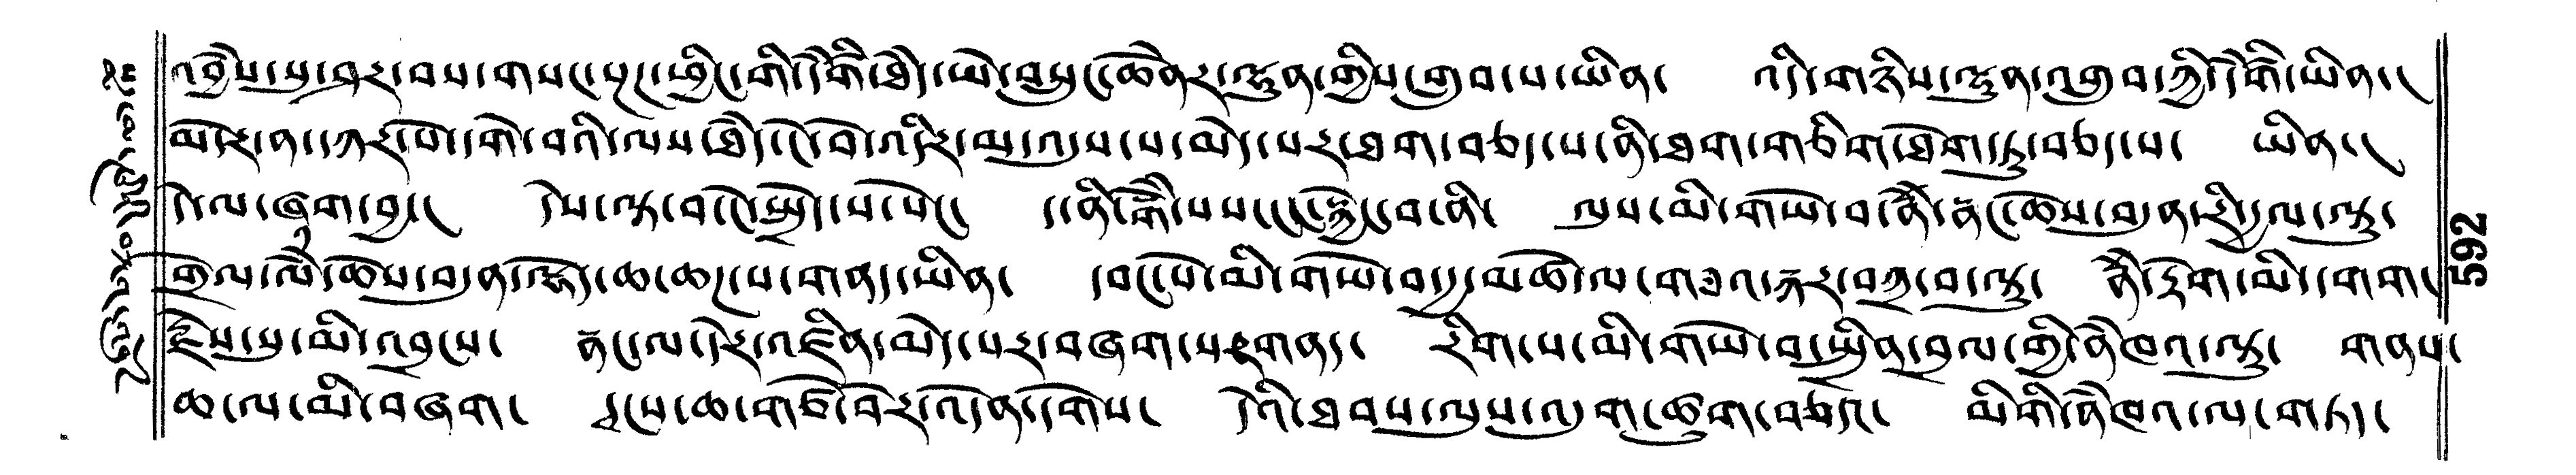འབྱམས་སུ་ཤར་བས་གསང་སྔགས་ཕྱི་ནང་གི་དམ་ཚིག་ཐམས་ཅད་ཡེ་བསྲུང་ཆེན་པོར་ལྷུན་གྱིས་གྲུབ་པ་ཡིན། འདི་གཉིས་ལྷུན་གྲུབ་ཀྱི་དམ་ཚིག་ཡིན། 
མདོར་ན་དཀར་པོ་དགེ་བའི་ལས་ཐམས་ཅད་ངོ་བོ་འདིར་མ་འདུས་པ་མེད་པར་ཐག་ཆོད་པ་ནི་ཐག་གཅིག་ཐོག་ཏུ་བཅད་པ། ཡིན། 
དེ་ལ་ཞག་གཅིག་བྱ། དེས་ལྟ་བ་ངོ་སྤྲོད་པ་སོང་། ད་ནི་སྒོམ་པས་ངང་སྐྱོང་བ་ནི། ལུས་མི་གཡོ་བ་རྣམ་སྣང་ཆོས་བདུན་རི་རྒྱལ་ལྟ་བུ་
གྲོལ་ལམ་ཆོས་བདུན་ལྷོད་ཆ་ཆགས་པ་གནད་ཡིན། དབང་པོ་མི་གཡོ་བ་རྒྱ་མཚོ་ལ་གཟའ་སྐར་བཀྲ་བ་ལྟ་བུ། རྣམ་རྟོག་མི་དགག 
རྗེས་སུ་མི་འབྲང་། སྣང་ལ་དེར་འཛིན་མེད་པར་འཇོག་པ་གནད། རིག་པ་མི་གཡོ་བ་སྤྲིན་བྲལ་གྱི་ནམ་མཁའ་ལྟ་བུ་ གནས་
ཆ་ལ་མི་བཞག དྭངས་ཆ་གཙོ་བོར་འདོན་དགོས། དེའི་ཐབས་ལུས་འདུག་ཚུགས་བཅའ། མིག་གིས་ནམ་མཁའ་ལ་གཏད་